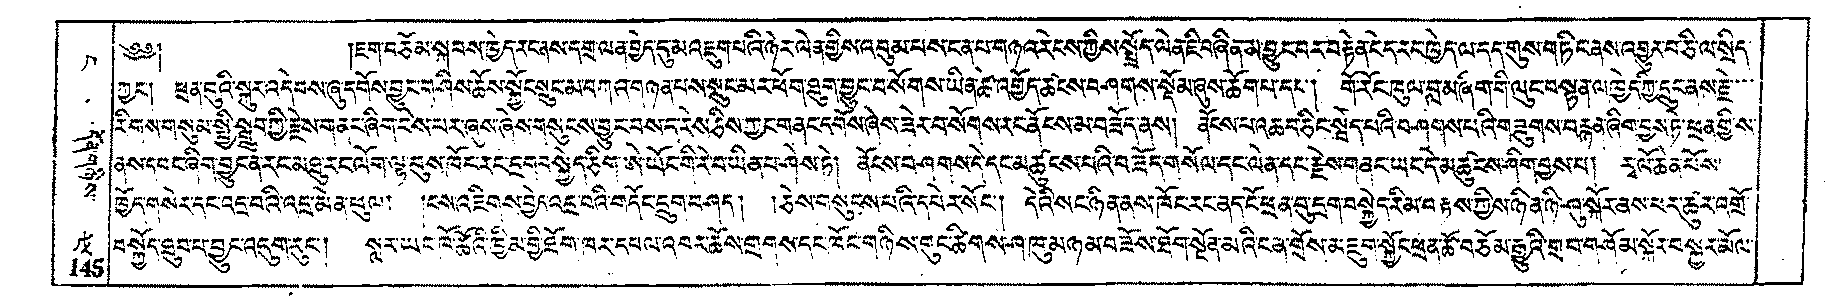༄༅། །ཇག་བཅོམ་སྐབས་ཁྱེད་རང་ནས་དགྲ་ལན་བྱེད་དུ་མ་འཇུག་པའི་ཉེར་ལེན་གྱིས་འབུམ་པས་ངན་པ་གཉའ་རེངས་ཀྱིས་སྤྲོད་ལེན་ཇི་བཞིན་མ་བྱུང་བར་བརྟེན་ངེད་རང་ཁྱེད་ལ་དད་གུས་གཏིང་ནས་འགྱུར་བ་ཅི་ལ་སྲིད་
ཀྱང་། ཕྲན་བུའི་སྐུར་འདེབས་ཞུ་དགོས་བྱུང་གཤིས་ཆོས་སྐྱོང་སྲུང་མ་བཀའ་གཉན་པས་སྲུང་མར་ཕོག་ཐུག་བྱུང་བ་སོགས་ཡིན་ཚེ་འགྱོད་ཚངས་བཤགས་སྡོམ་ཞུས་ཆོག་པ་དང་། གོ་རོང་ཁུལ་བླ་མ་ཞིག་གི་ལུང་བསྟན་ལ་ཁྱེད་ཀྱི་དྲུང་ནས་རྗེ་
རིགས་གསུམ་སྤྱི་སྒྲུབ་ཀྱི་རྗེས་གནང་ཞིག་ངེས་པར་ཞུས་ཞེས་གསུངས་བྱུང་བས་ད་རེས་ཅིས་ཀྱང་གནང་དགོས་ཞེས་ཟེར་བ་སོགས་རང་ནོངས་མ་བཟོད་ནས། ནོངས་པ་འཆབ་ཅིང་སྦེད་པའི་བཤགས་པའི་གཟུགས་བརྙན་ཞིག་བྱས་ཏེ་ཕྲན་གྱི་ས་
ནས་དབང་ཞིག་བྱུང་ན་རང་མཐུ་རང་ལོག་ལྟ་བུས་ཁོང་རང་དྲག་བསྐྱེད་ཅིག་ཨེ་ཡོང་གི་རེ་བ་ཡིན་པ་ཤེས་ཏེ། ནོངས་བཤགས་དེ་དང་མཚུངས་པའི་བཟོད་གསོལ་དང་ལེན་དང་རྗེས་གནང་ཡང་དེ་མཚུངས་ཤིག་བྱས་པ། རྭ་ལོ་ཆེན་པོས།
ཁྱོད་གསེར་དང་འདྲ་བའི་འདྲ་མེན་ཕུལ། །ངས་འཇིགས་བྱེད་འདྲ་བའི་གདོང་དྲུག་བཤད། །ཅེས་གསུངས་པའི་དཔེར་སོང་། དེའི་སང་ཉིན་ནས་ཁོང་རང་ནད་ངོ་ཕྲན་བུ་དྲག་བསྐྱེད་རིམ་བརྟས་ཀྱིས་ཉིན་ཉི་ཤུ་སྐོར་ནས་ཕར་ཚུར་འགྲོ་
བསྐྱོད་ཐུབ་པ་བྱུང་འདུག་རུང་། སླར་ཡང་ཁོ་ཚོའི་ཁྱིམ་གྱི་ཐོག་ཁར་དཔལ་འབར་ཆོས་གྲགས་དང་ཁོང་གཉིས་གུང་ཚིགས་ཤ་ཁུ་མཉམ་བཟོས་ཐོག་སྔོན་མའི་ངན་གྲོས་མཇུག་སྐྱོང་ཕྲན་ཚོ་བཅོམ་རྒྱུའི་གྲབ་གཤོམ་སྐོར་བསྐྱར་མོལ་